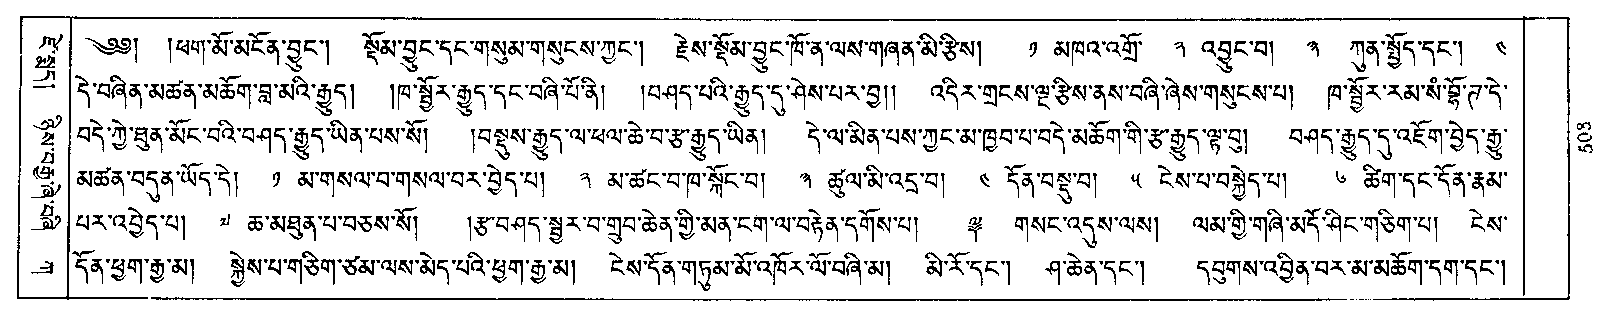༄༅། །ཕག་མོ་མངོན་བྱུང་། སྡོམ་བྱུང་དང་གསུམ་གསུངས་ཀྱང་། རྗེས་སྡོམ་བྱུང་ཁོ་ན་ལས་གཞན་མི་རྩིས། ༈ མཁའ་འགྲོ ༢་འབྱུང་བ། ༣་ཀུན་སྤྱོད་དང་། ༤
དེ་བཞིན་མཚན་མཆོག་བླ་མའི་རྒྱུད། །ཁ་སྦྱོར་རྒྱུད་དང་བཞི་པོ་ནི། །བཤད་པའི་རྒྱུད་དུ་ཤེས་པར་བྱ།། འདིར་གྲངས་ལྔ་རྩིས་ནས་བཞི་ཞེས་གསུངས་པ། ཁ་སྦྱོར་རམ་སཾ་བྷོ་ཊ་དེ་
བདེ་ཀྱེ་ཐུན་མོང་བའི་བཤད་རྒྱུད་ཡིན་པས་སོ། །བསྡུས་རྒྱུད་ལ་ཕལ་ཆེ་བ་རྩ་རྒྱུད་ཡིན། དེ་ལ་མིན་པས་ཀྱང་མ་ཁྱབ་པ་བདེ་མཆོག་གི་རྩ་རྒྱུད་ལྟ་བུ། བཤད་རྒྱུད་དུ་འཇོག་བྱེད་རྒྱུ་
མཚན་བདུན་ཡོད་དེ། ༡་མ་གསལ་བ་གསལ་བར་བྱེད་པ། ༢་མ་ཚང་བ་ཁ་སྐོང་བ། ༣་ཚུལ་མི་འདྲ་བ། ༤་དོན་བསྡུ་བ། ༥་ངེས་པ་བསྐྱེད་པ། ༦་ཚིག་དང་དོན་རྣམ་
པར་འབྱེད་པ། ༧་ཆ་མཐུན་པ་བཅས་སོ། །རྩ་བཤད་སྦྱར་བ་གྲུབ་ཆེན་གྱི་མན་ངག་ལ་བརྟེན་དགོས་པ། ༈ གསང་འདུས་ལས། ལམ་གྱི་གཞི་མདོ་ཤིང་གཅིག་པ། ངེས་
དོན་ཕྱག་རྒྱ་མ། སྐྱེས་པ་གཅིག་ཙམ་ལས་མེད་པའི་ཕྱག་རྒྱ་མ། ངེས་དོན་གཏུམ་མོ་འཁོར་ལོ་བཞི་མ། མི་རོ་དང་། ཤ་ཆེན་དང་། དབུགས་འབྱིན་བར་མ་མཆོག་དག་དང་།